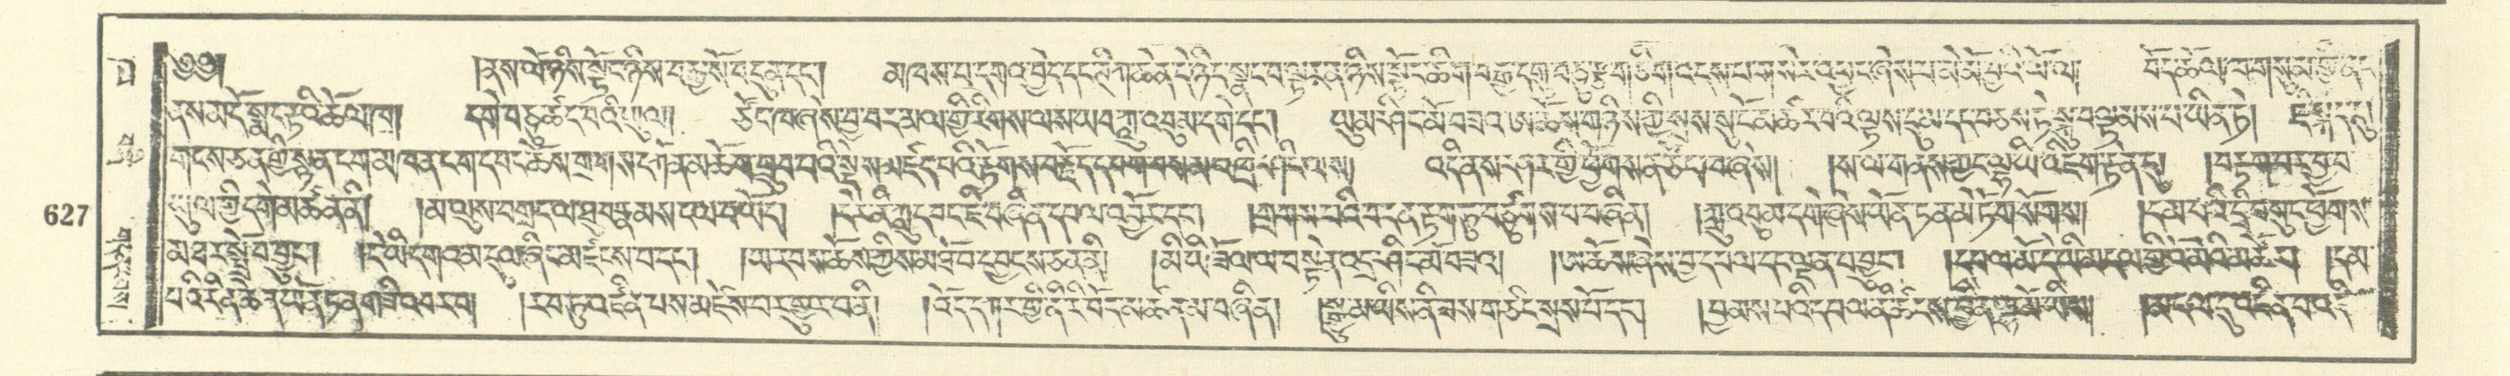༄༅། །ནས་ལོ་ཉིས་སྟོང་ཉིས་བརྒྱ་སོ་བདུན་དང་། མཁས་པ་དགའ་བྱེད་དང་ཊིཀ་ཆེན་དེ་ཉིད་སྣང་བ་ལྟར་ན་ཉིས་སྟོང་ཆིག་བརྒྱ་དགུ་བཅུ་རྩ་གཅིག་འདས་པ་གསེར་འཕྱང་ཞེས་པ་མེ་མོ་བྱའི་ལོ་ལ། བོད་ཆོལ་ཁ་གསུམ་གྱི་ནང་
ནས་མདོ་སྨད་རྟའི་ཆོལ་ཁ། དགེ་བཅུ་ཚང་བའི་ཡུལ། ཙོང་ཁ་ཞེས་བྱ་བར་མལ་གྱི་རིགས་ལས་ཡབ་ཀླུ་འབུམ་དགེ་དང་། ཡུམ་ཤིང་མོ་བཟའ་ཨ་ཆོས་གཉིས་ཀྱི་སྲས་སུ་ངོ་མཚར་བའི་ལྟས་དུ་མ་དང་བཅས་ཏེ་སྐུ་བལྟམས་པ་ཡིན་ཏེ། ཇི་སྐད་དུ།
གངས་ཅན་གྱི་སྙན་ངག་མཁན་ངག་དབང་ཆོས་གྲགས་དཀོན་མཆོག་གྲུབ་པའི་སྡེས་མཛད་པའི་རྟོགས་བརྗོད་དཔག་བསམ་འཁྲི་ཤིང་ལས། འདི་ནས་ཤར་གྱི་ཕྱོགས་ན་ཙོང་ཁ་ཞེས། །ས་ལ་གནས་ཀྱང་ལྷ་ཡི་འཇིག་རྟེན་དུ། །བརྟག་པར་བྱ་བ་
ཡུལ་གྱི་དགེ་མཚན་ནི། །མ་ལུས་བགྲད་ལ་ཐུབ་རྣམས་ངལ་བ་ཡོད། །དེར་ནི་ཀླུ་དབང་ཇི་བཞིན་དཔལ་འབྱོར་དང་། །གྲགས་པའི་བ་དན་རྟག་ཏུ་བཙུགས་པ་བཞིན། །ཀླུ་འབུམ་དགེ་ཞེས་ཡོན་ཏན་མེ་ཏོག་སོགས། །དམ་པའི་དྲི་བསུང་ཕྱོགས་
མཐར་སྤྲོ་བ་བྱུང་། །དེ་ཡི་དགའ་མ་དུལ་ཞིང་མཛངས་པ་དང་། །ཡ་རབས་ཆོས་ཀྱིས་མཐོ་བ་དབྱངས་ཅན་ནི། །མི་ཡི་ཟོལ་ལ་བསྟེན་འདྲ་ཤིང་མོ་བཟའ། །ཨ་ཆོས་ཞེས་བྱ་དཔལ་དང་ལྡན་པ་བྱུང་། །དཔལ་མོ་དེ་ཡི་མངལ་གྱི་འོ་མའི་མཚོར། །དམ་
པའི་རིན་ཆེན་ཡོན་ཏན་གཟི་འབར་བ། །རབ་ཏུ་འཛིན་པས་མཛེས་པར་གྱུར་བ་ནི། །འོད་དཀར་གྱི་ནི་རི་བོང་མཚན་མ་བཞིན། །སྒྱུ་མ་ཡིས་ནི་ཟས་གཙང་སྲས་པོ་དང་། །བྱམས་པའི་དཔལ་ནི་ཚངས་སྦྱིན་ལྷ་མོ་ཡིས། །མངལ་དུ་འཛིན་པ་འདི་